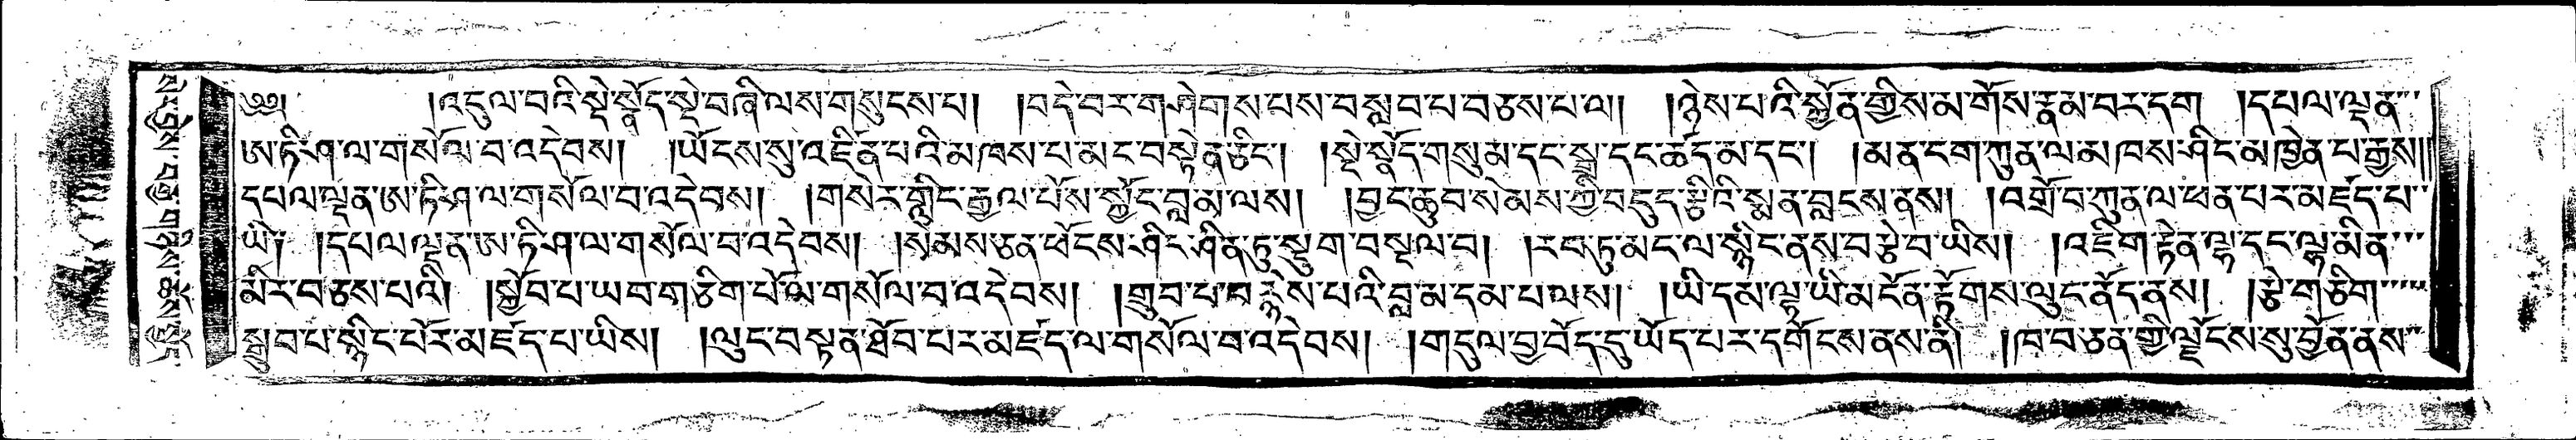༄༅། །འདུལ་བའི་སྡེ་སྣོད་སྡེ་བཞི་ལས་གསུངས་པ། །བདེ་བར་གཤེགས་པས་བསླབ་པ་བཅས་པ་ལ། །ཉེས་པའི་སྐྱོན་གྱིས་མ་གོས་རྣམ་པར་དག །དཔལ་ལྡན་
ཨ་ཏི་ཤ་ལ་གསོལ་བ་འདེབས། །ཡོངས་སུ་འཛིན་པའི་མཁས་པ་མང་བསྟེན་ཅིང་། །སྡེ་སྣོད་གསུམ་དང་སྒྲ་དང་ཚད་མ་དང་། །མན་ངག་ཀུན་ལ་མཁས་ཤིང་མཁྱེན་པ་རྒྱས། །
དཔལ་ལྡན་ཨ་ཏི་ཤ་ལ་གསོལ་བ་འདེབས། །གསེར་གླིང་རྒྱལ་པོ་ས་སྐྱོང་བླ་མ་ལས། །བྱང་ཆུབ་སེམས་ཀྱི་བདུད་རྩིའི་སྨན་བླངས་ནས། །འགྲོ་བ་ཀུན་ལ་ཕན་པར་མཛད་པ་
ཡི༑ །དཔལ་ལྡན་ཨ་ཏི་ཤ་ལ་གསོལ་བ་འདེབས། །སེམས་ཅན་ཕོངས་ཤིང་ཤིན་ཏུ་སྡུག་བསྔལ་བ། །རབ་ཏུ་མང་ལ་སྙིང་ནས་བརྩེ་བ་ཡིས། །འཇིག་རྟེན་ལྷ་དང་ལྷ་མིན་
མིར་བཅས་པའི། །སྐྱོབ་པ་ཡབ་གཅིག་པོ་ལ་གསོལ་བ་འདེབས། །གྲུབ་པ་བརྙེས་པའི་བླ་མ་དམ་པ་ལས། །ཡི་དམ་ལྷ་ཡི་མངོན་རྟོགས་ལུང་ནོད་ནས། །རྩེ་གཅིག་
སྒྲུབ་པ་སྙིང་པོར་མཛད་པ་ཡིས། །ལུང་བསྟན་ཐོབ་པར་མཛད་ལ་གསོལ་བ་འདེབས། །གདུལ་བྱ་བོད་དུ་ཡོད་པར་དགོངས་ནས་ནི། །ཁ་བ་ཅན་གྱི་ལྗོངས་སུ་བྱོན་ནས་